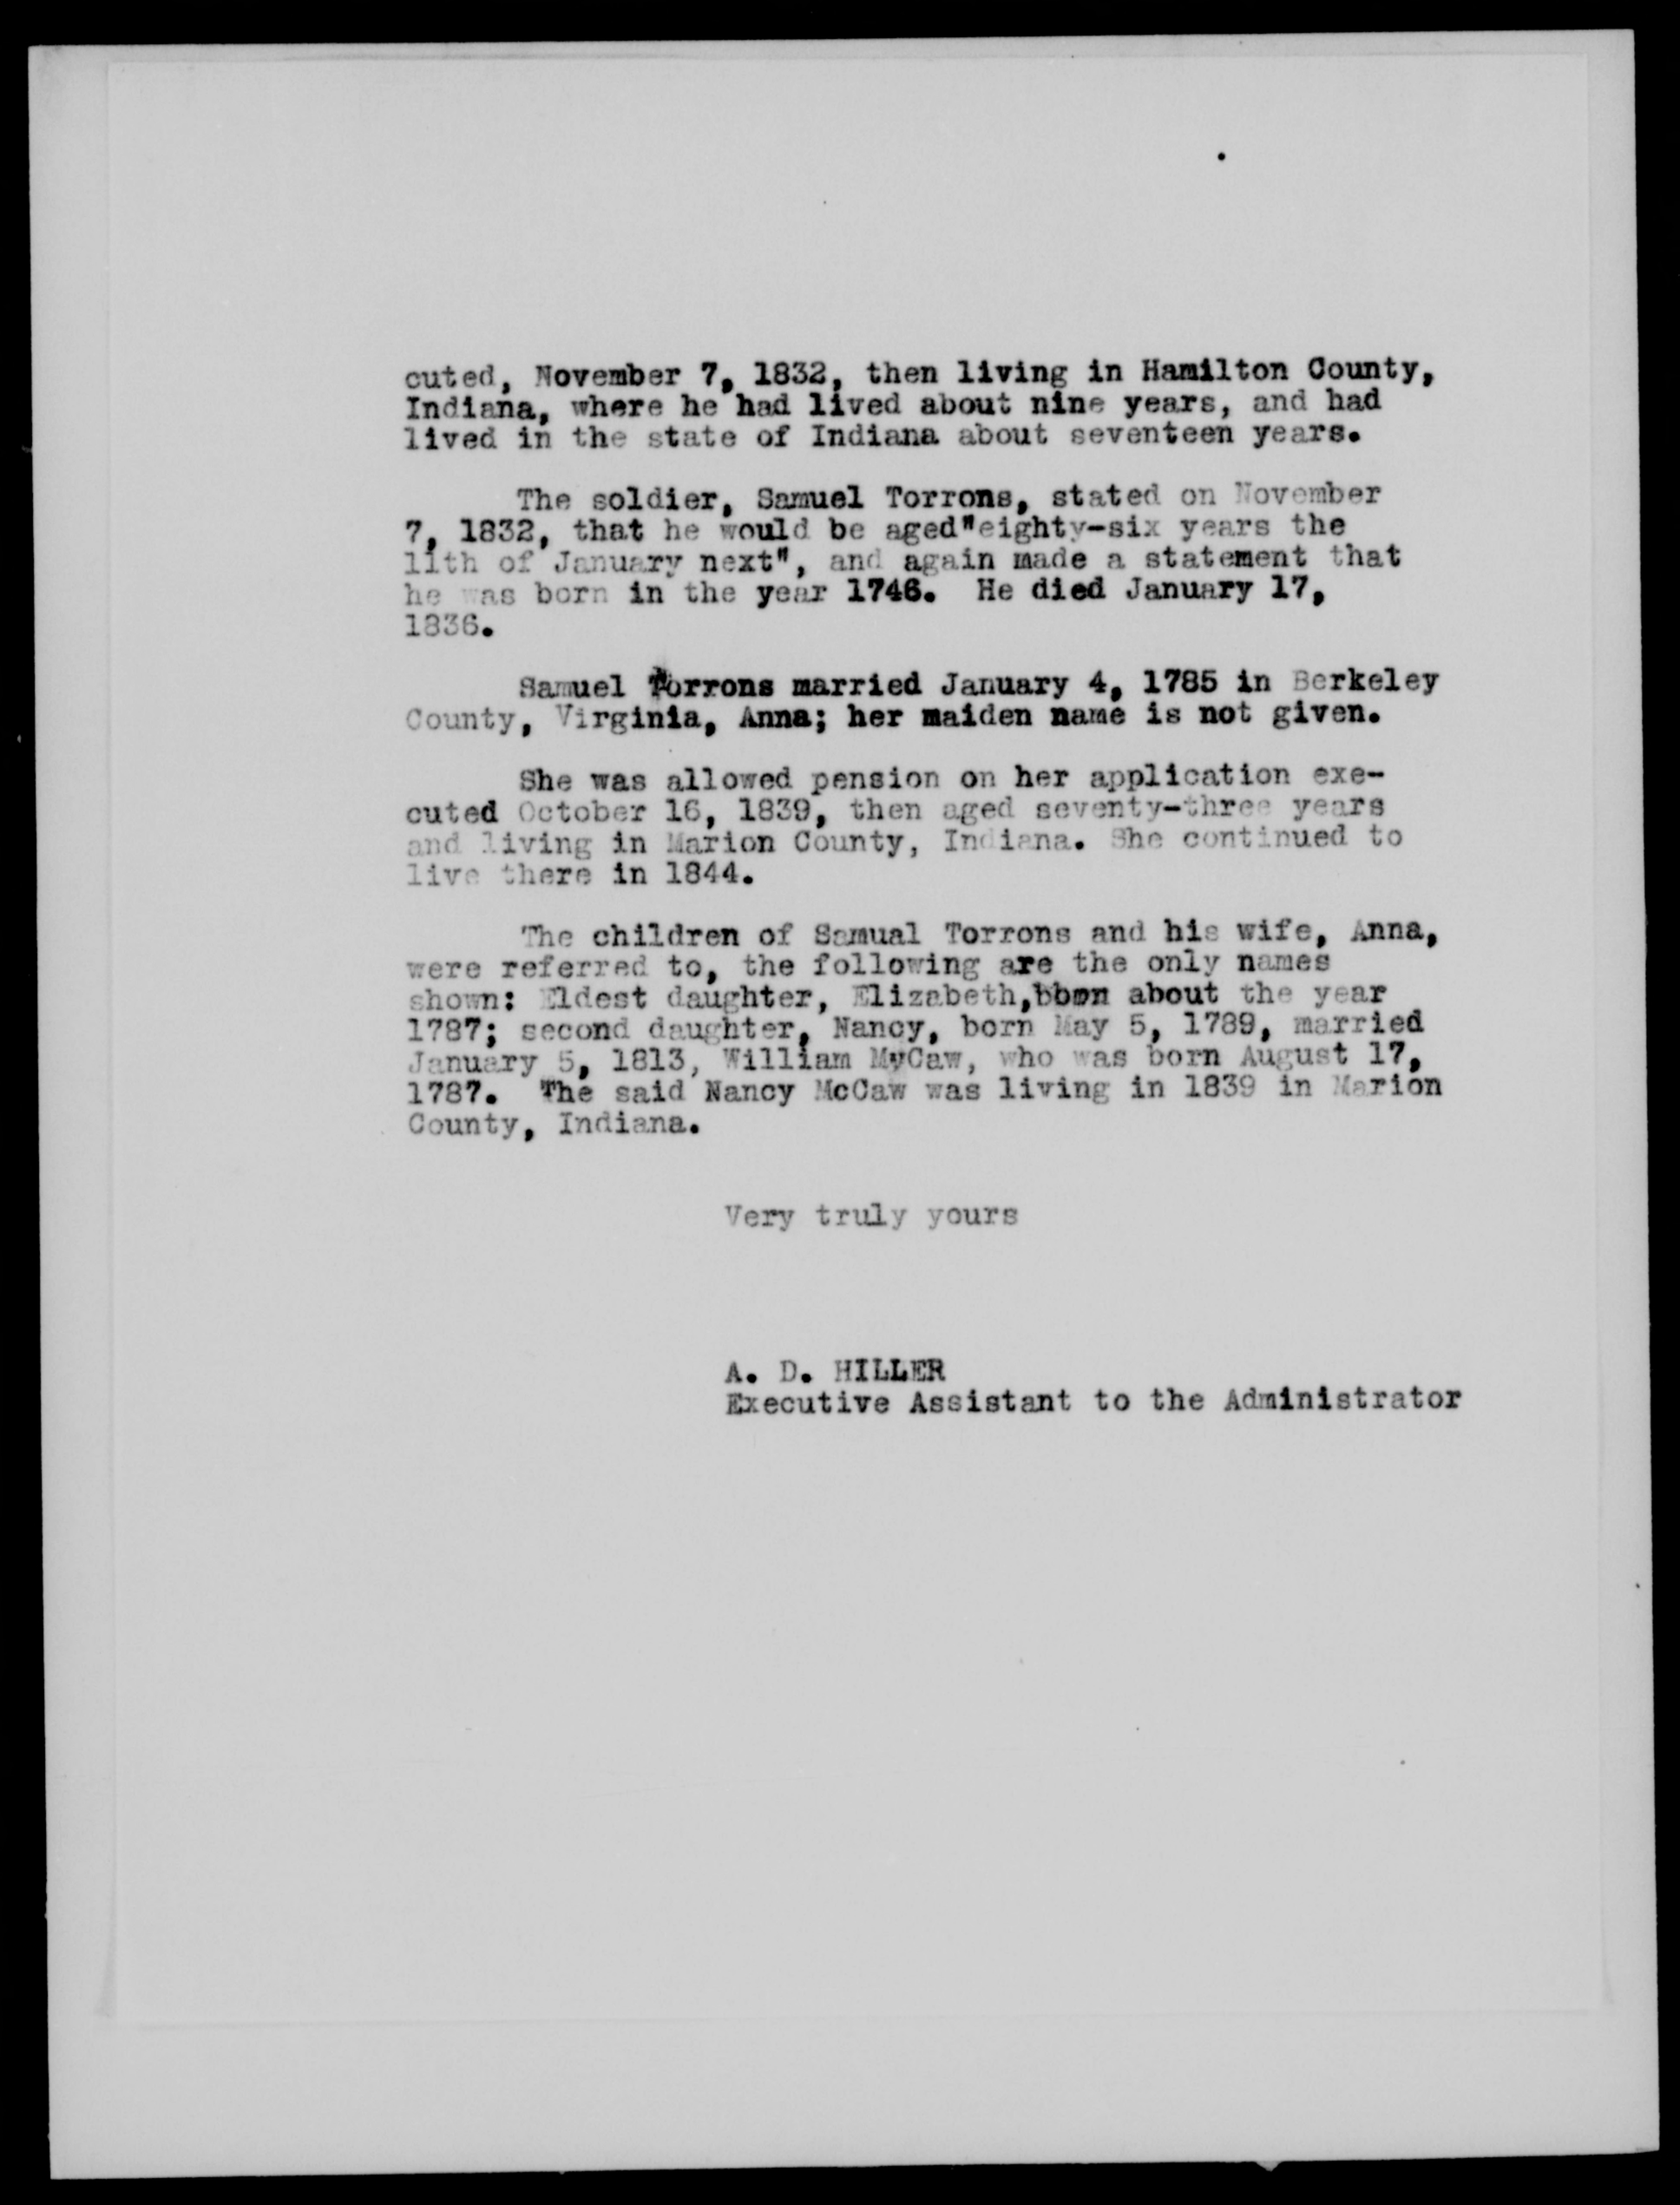cuted November 7, 1832, then living in Hamilton County, Indiana, where he had lived about nine years, and had lived in the state of Indiana about seventeen years.
The soldier, Samuel Torrons, stated on November 7, 1832, that he would be aged "eighty-six years the 11th of January next", and again made a statement that he was born in the year 1746. He died January 17, 1836.
Samuel Torrons married January 4, 1785 in Berkeley County, Virginia, Anna; her maiden name is not given.
She was allowed pension on her application executed October 16, 1839, then aged seventy-three years and living in Marion County, Indiana. She continued to live there in 1844.
The children of Samuel Torrons and his wife, Anna, were referred to, the following are the only names shown: Eldest daughter, Elizabeth, born about the year 1787; second daughter, Nancy, born May 5, 1789, married January 5, 1813, William McCaw, who was born August 17, 1787. The said Nancy McCaw was living in 1839 in Marion County, Indiana.
Very truly yours
A. D. HILLER
Executive Assistant to the Administrator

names: Samuel Torrons, Anna, Nancy, Nancy Mc Caw, A D Hiller, William Mc Caw, Samuel Torrons, Anna, Samuel Torrons, Elizabeth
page: 18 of 27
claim: widow's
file: W. 9860, Samuel Torrons, Va.